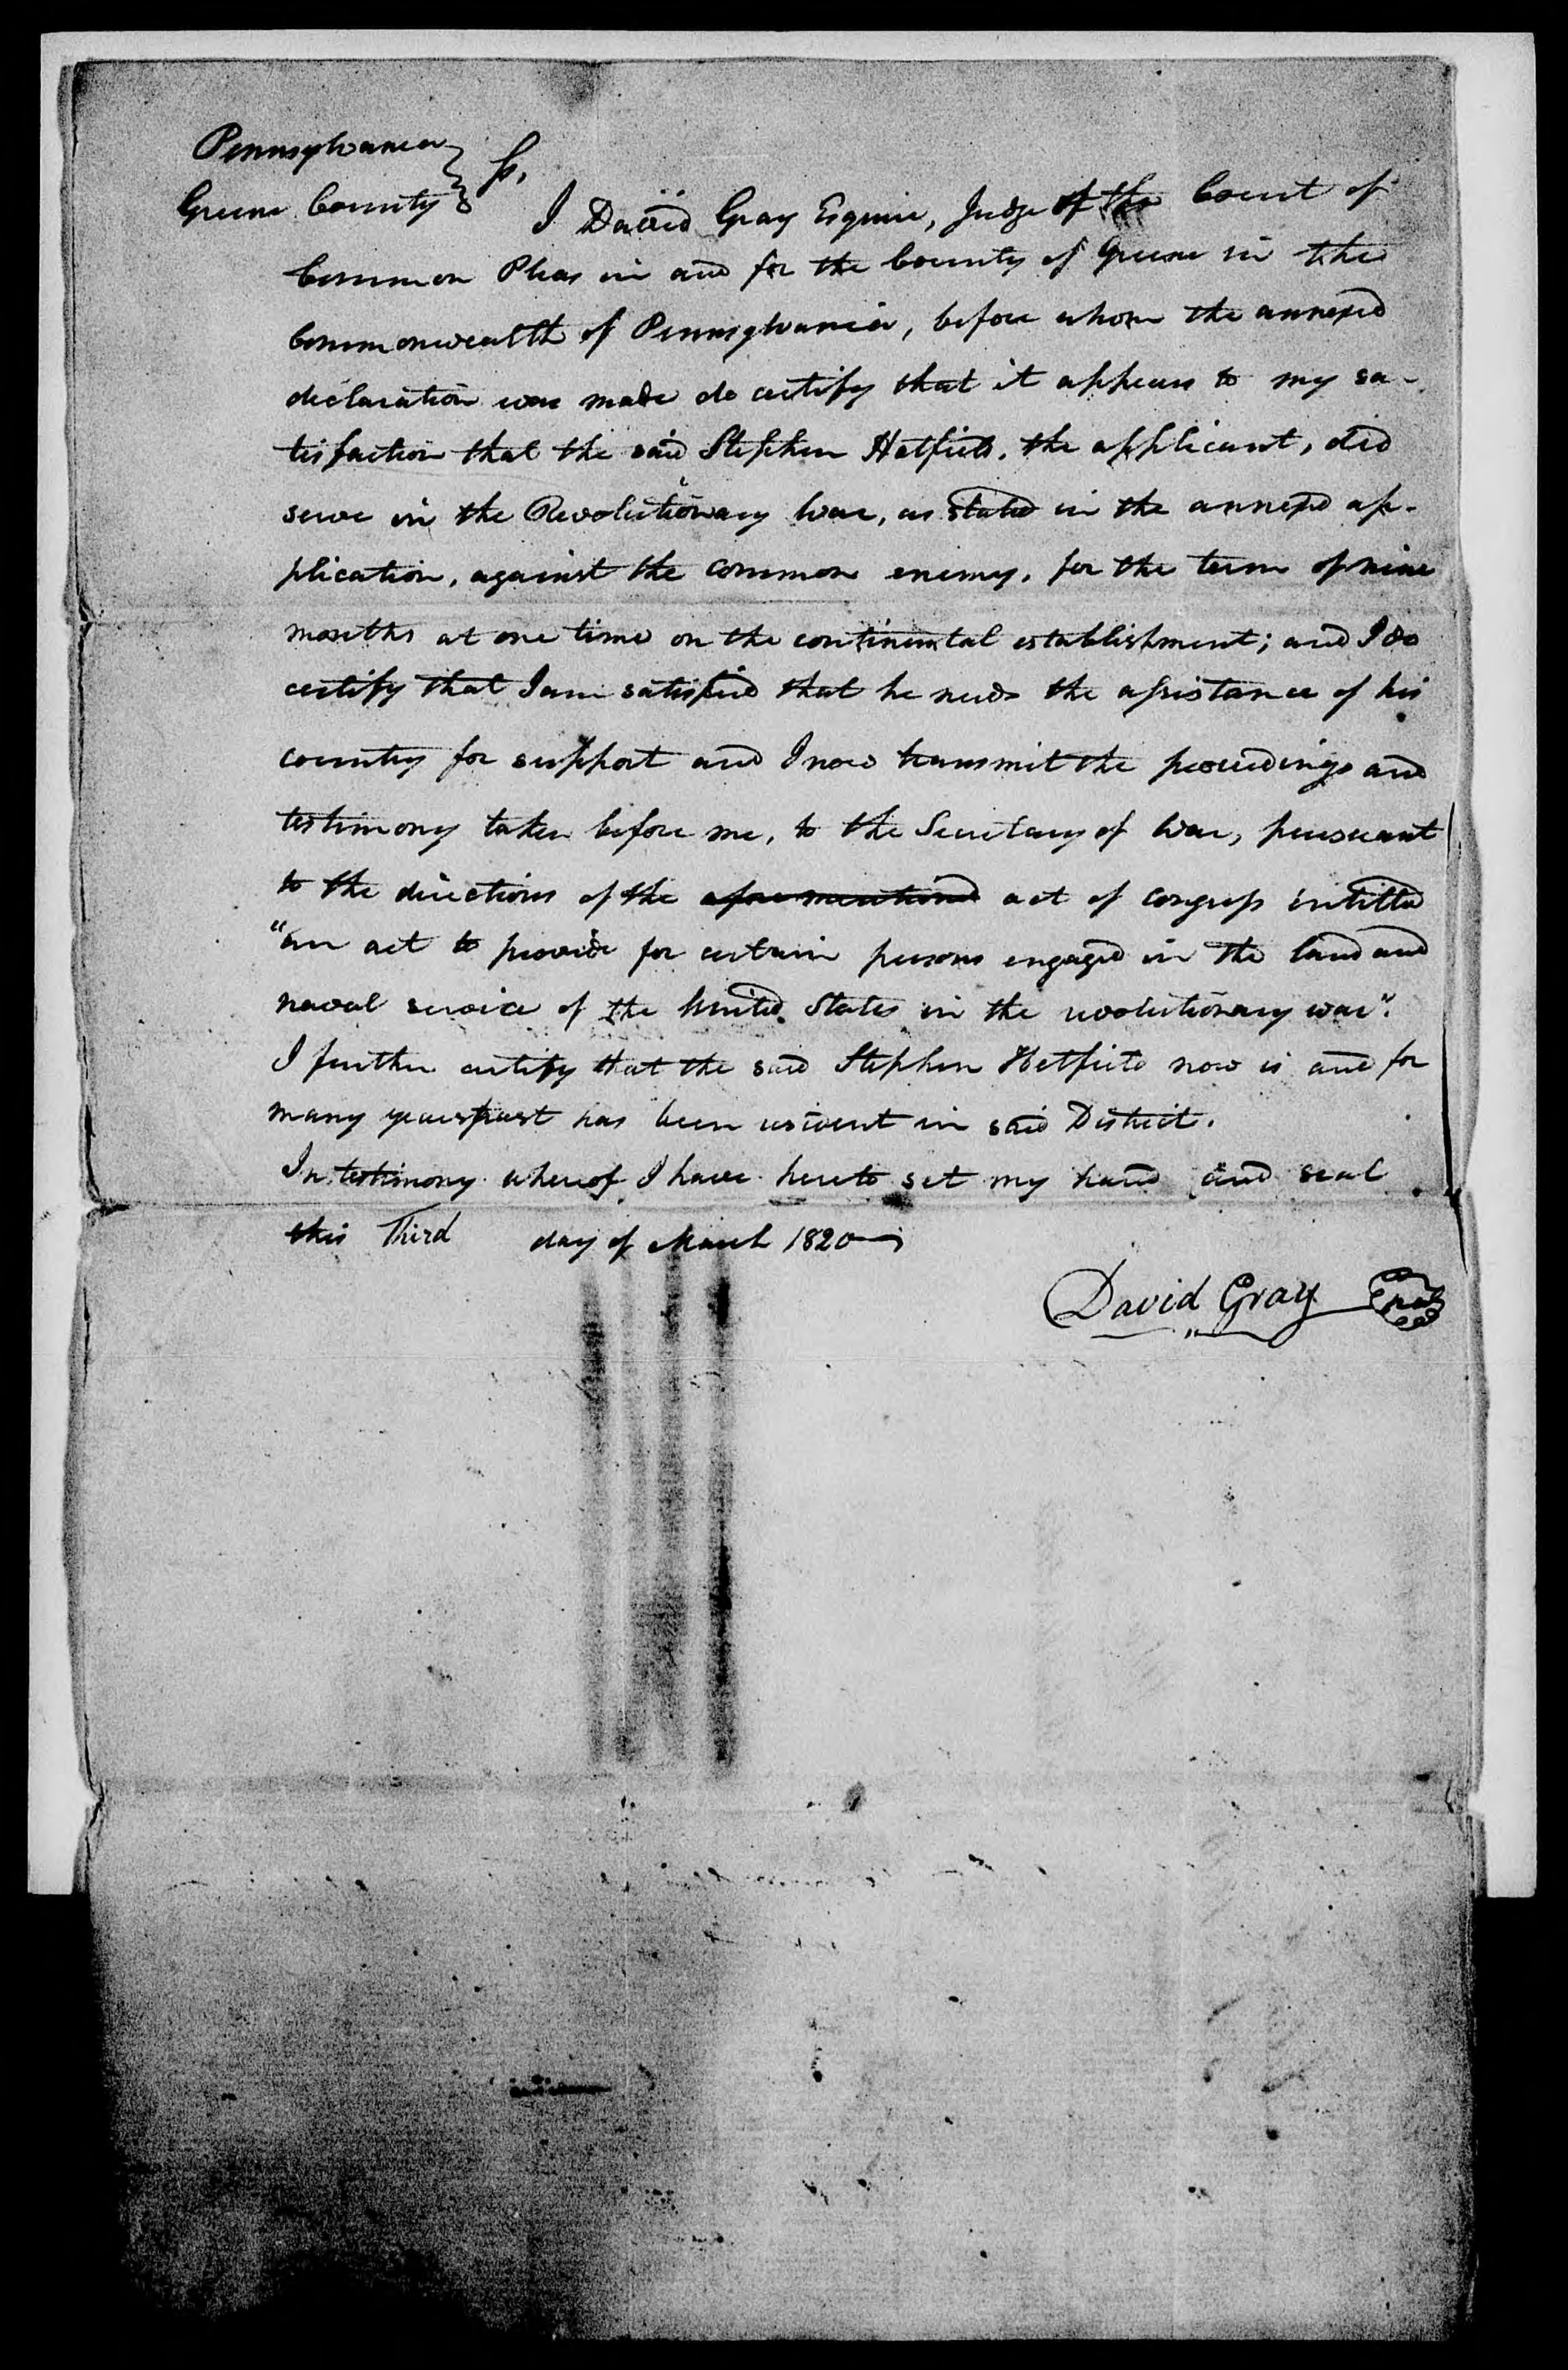Pennsylvania
Greene County  Ss.

I David Gray Esquire, Judge of the Court of
Common Pleas in and for the County of Greene in the
Commonwealth of Pennsylvania, before whom the annexed
declaration was made do certify that it appears to my satisfaction
that the said Stephen Hetfield, the applicant, did
serve in the Revolutionary War, as stated in the annexed application,
against the common enemy, for the term of nine
months at one time on the continental establishment; and I do
certify that I am satisfied that he needs the assistance of his
country for support and I now transmit the providings and
testimony taken before me, to the Secretary of War, pursuant
to the direction of the [the following word is struck out] aforementioned act of congress entitled
"[illegible] act to provide for certain persons engaged in the land and
naval service of the United States in the revolutionary war."
I further certify that the said Stephen Hetfield now is and for
man yearspast has been resident in said District.
In testimony whereof I have hereto set my hand and seal
this Third day of March 1820

David Gray   [a drawing of a seal is to the right of the signature]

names: David Gray, Stephen Hatfield, David Gray, Stephen Hetfield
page: 13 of 45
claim: widow's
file: W. 2734, Stephen Hetfield, New Jersey